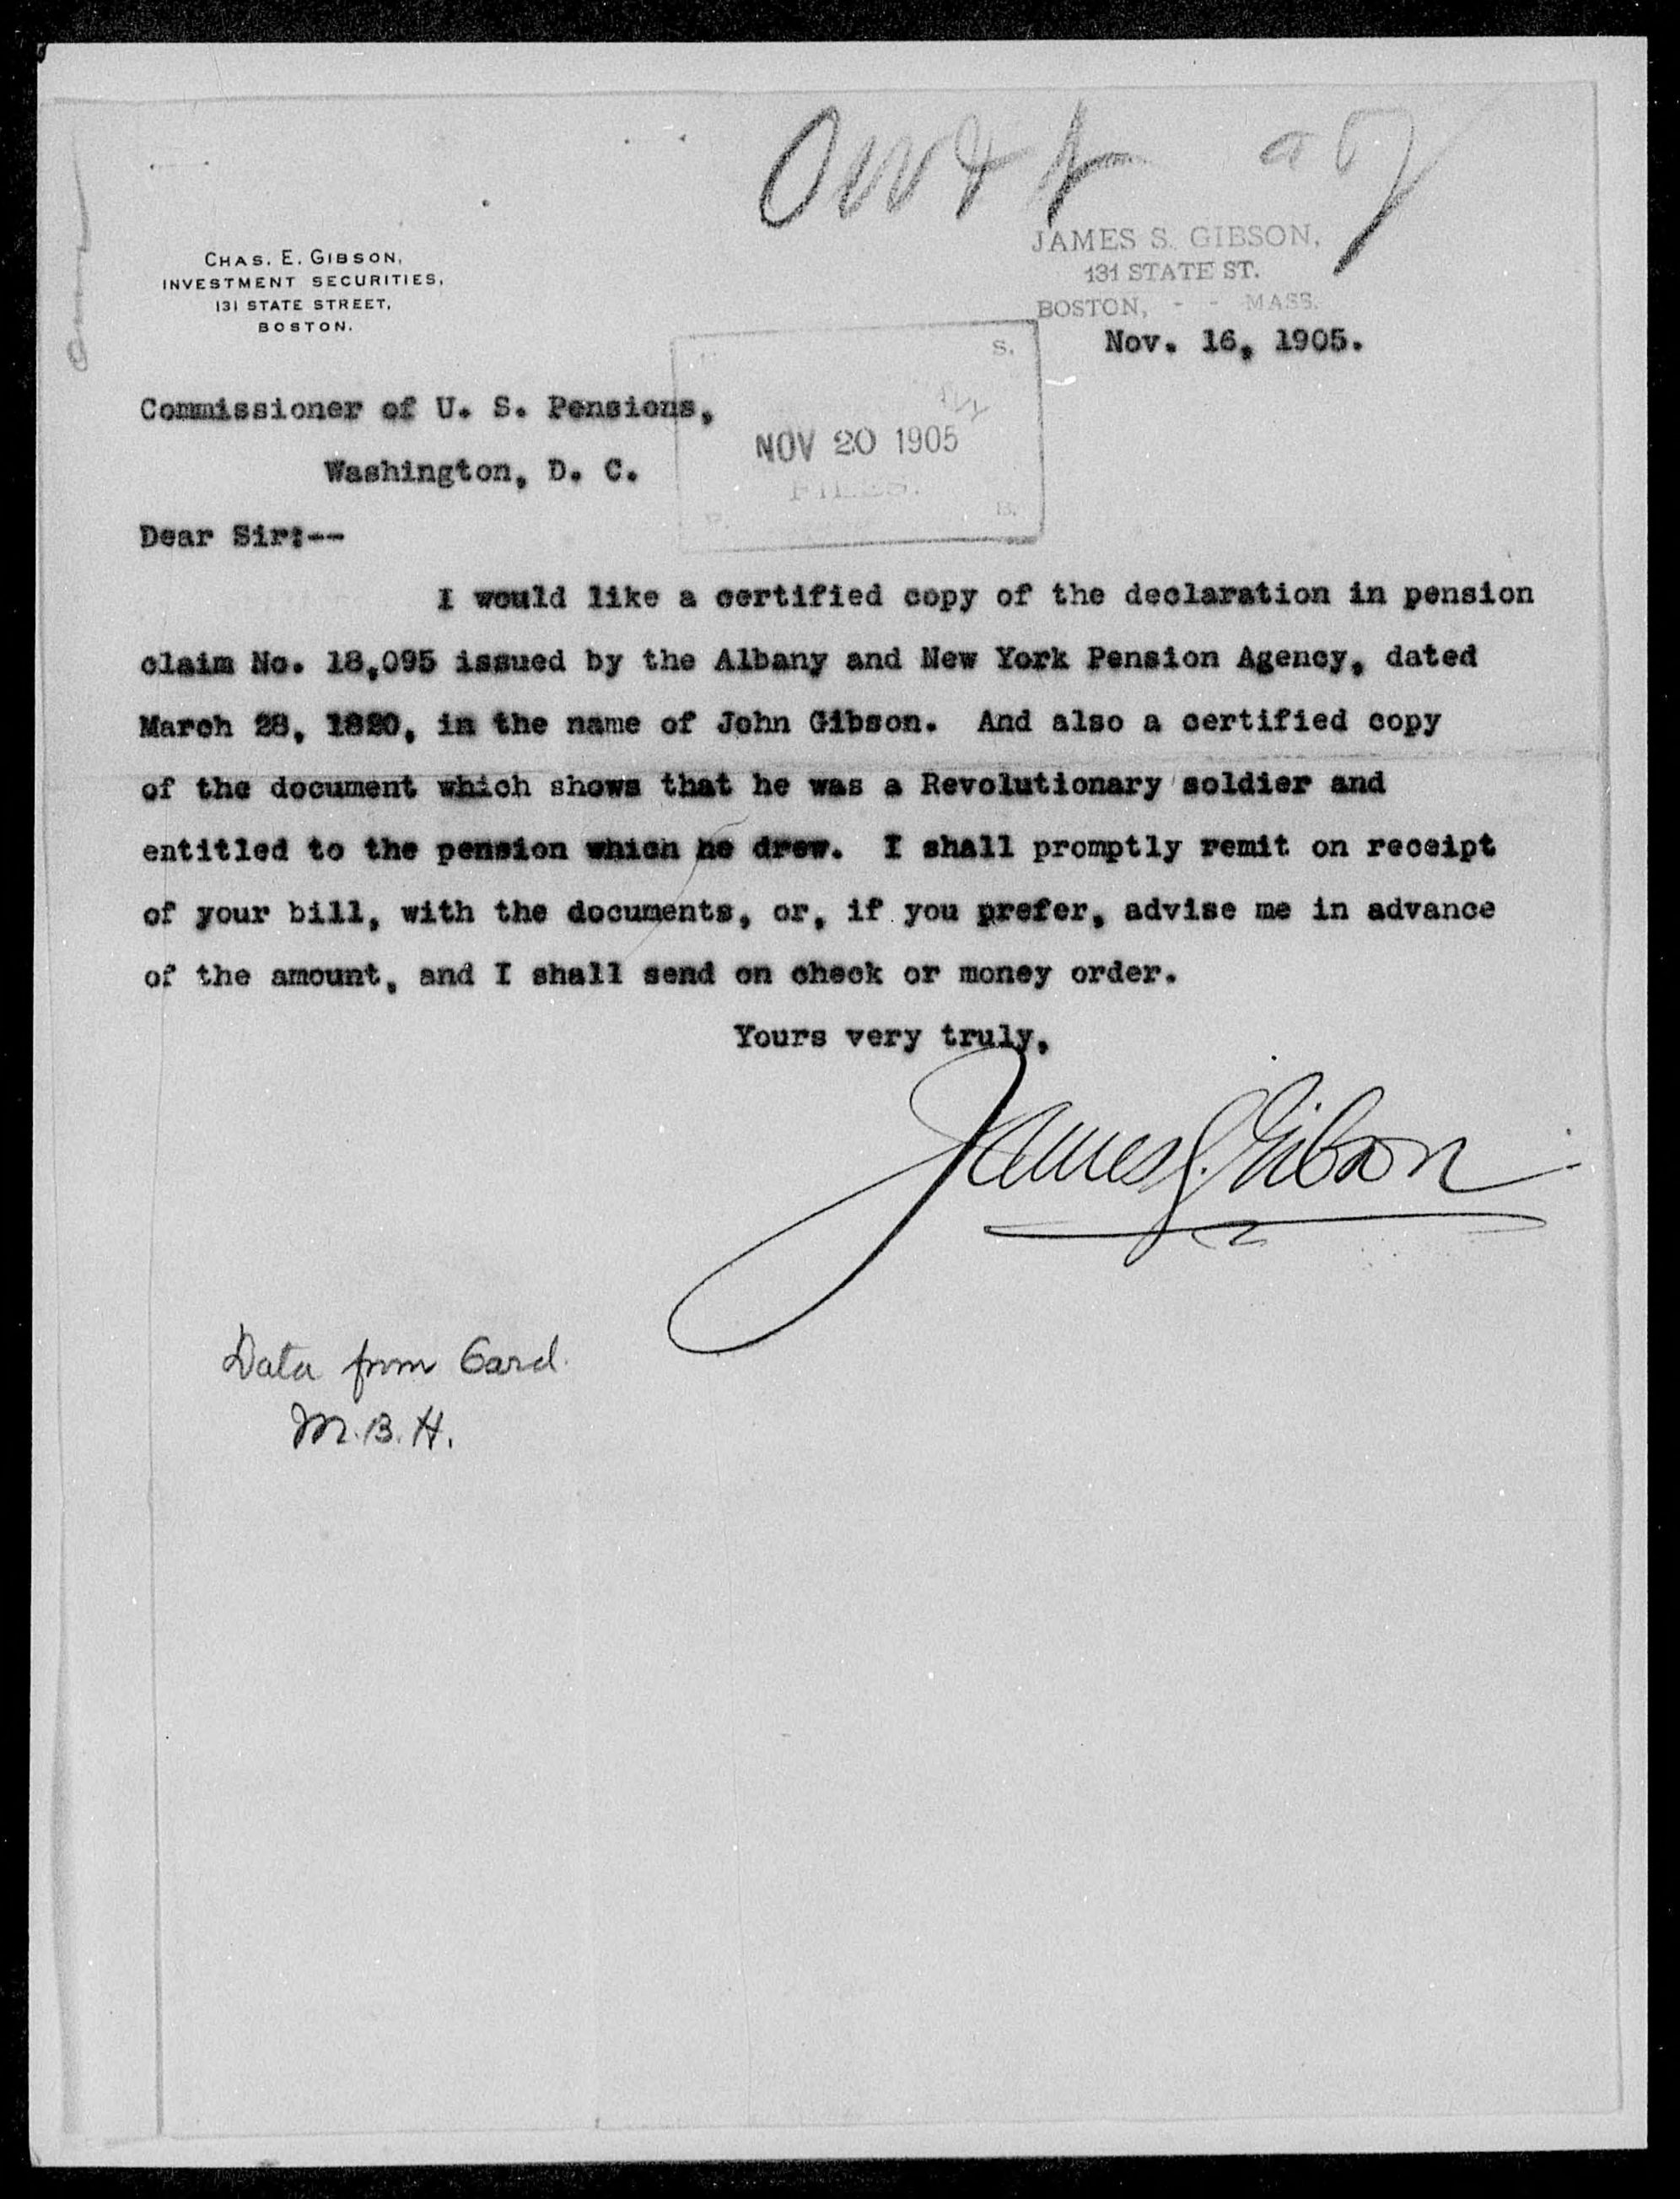CHAS. E. GIBSON,
INVESTMENT SECURITIES
131 STATE STREET,
BOSTON.

JAMES S. GIBSON,
131 STATE ST.
BOSTON, - - MASS

Nov. 16, 1905.
[stamp] U.S. P. B. OLD WAR & NAVY FILES NOV 20 1905 

Commissioner of U.S. Pensions,
Washington, D. C.
Dear Sir: -- 
I would like a certified copy of the declaration in pension claim No. 18,095 issued by the Albany and New York Pension Agency, dated
March 28, 1820, in the name of John Gibson. And also a certified copy of the document which shows that he was a Revolutionary soldier and entitled to the persion who he drew. I shall promptly remit on receipt of your bill, with the documents, or, if you prefer, advise me in advance of the amount, and I shall send on check or money order.
Yours very truly,
James S. Gibson

Data from Card
M.B.H.
-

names: James S Gibson, Chas E Gibson, James Gibson, John Gibson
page: 32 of 32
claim: survivor's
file: S. 34899, John Gibson, R.I.